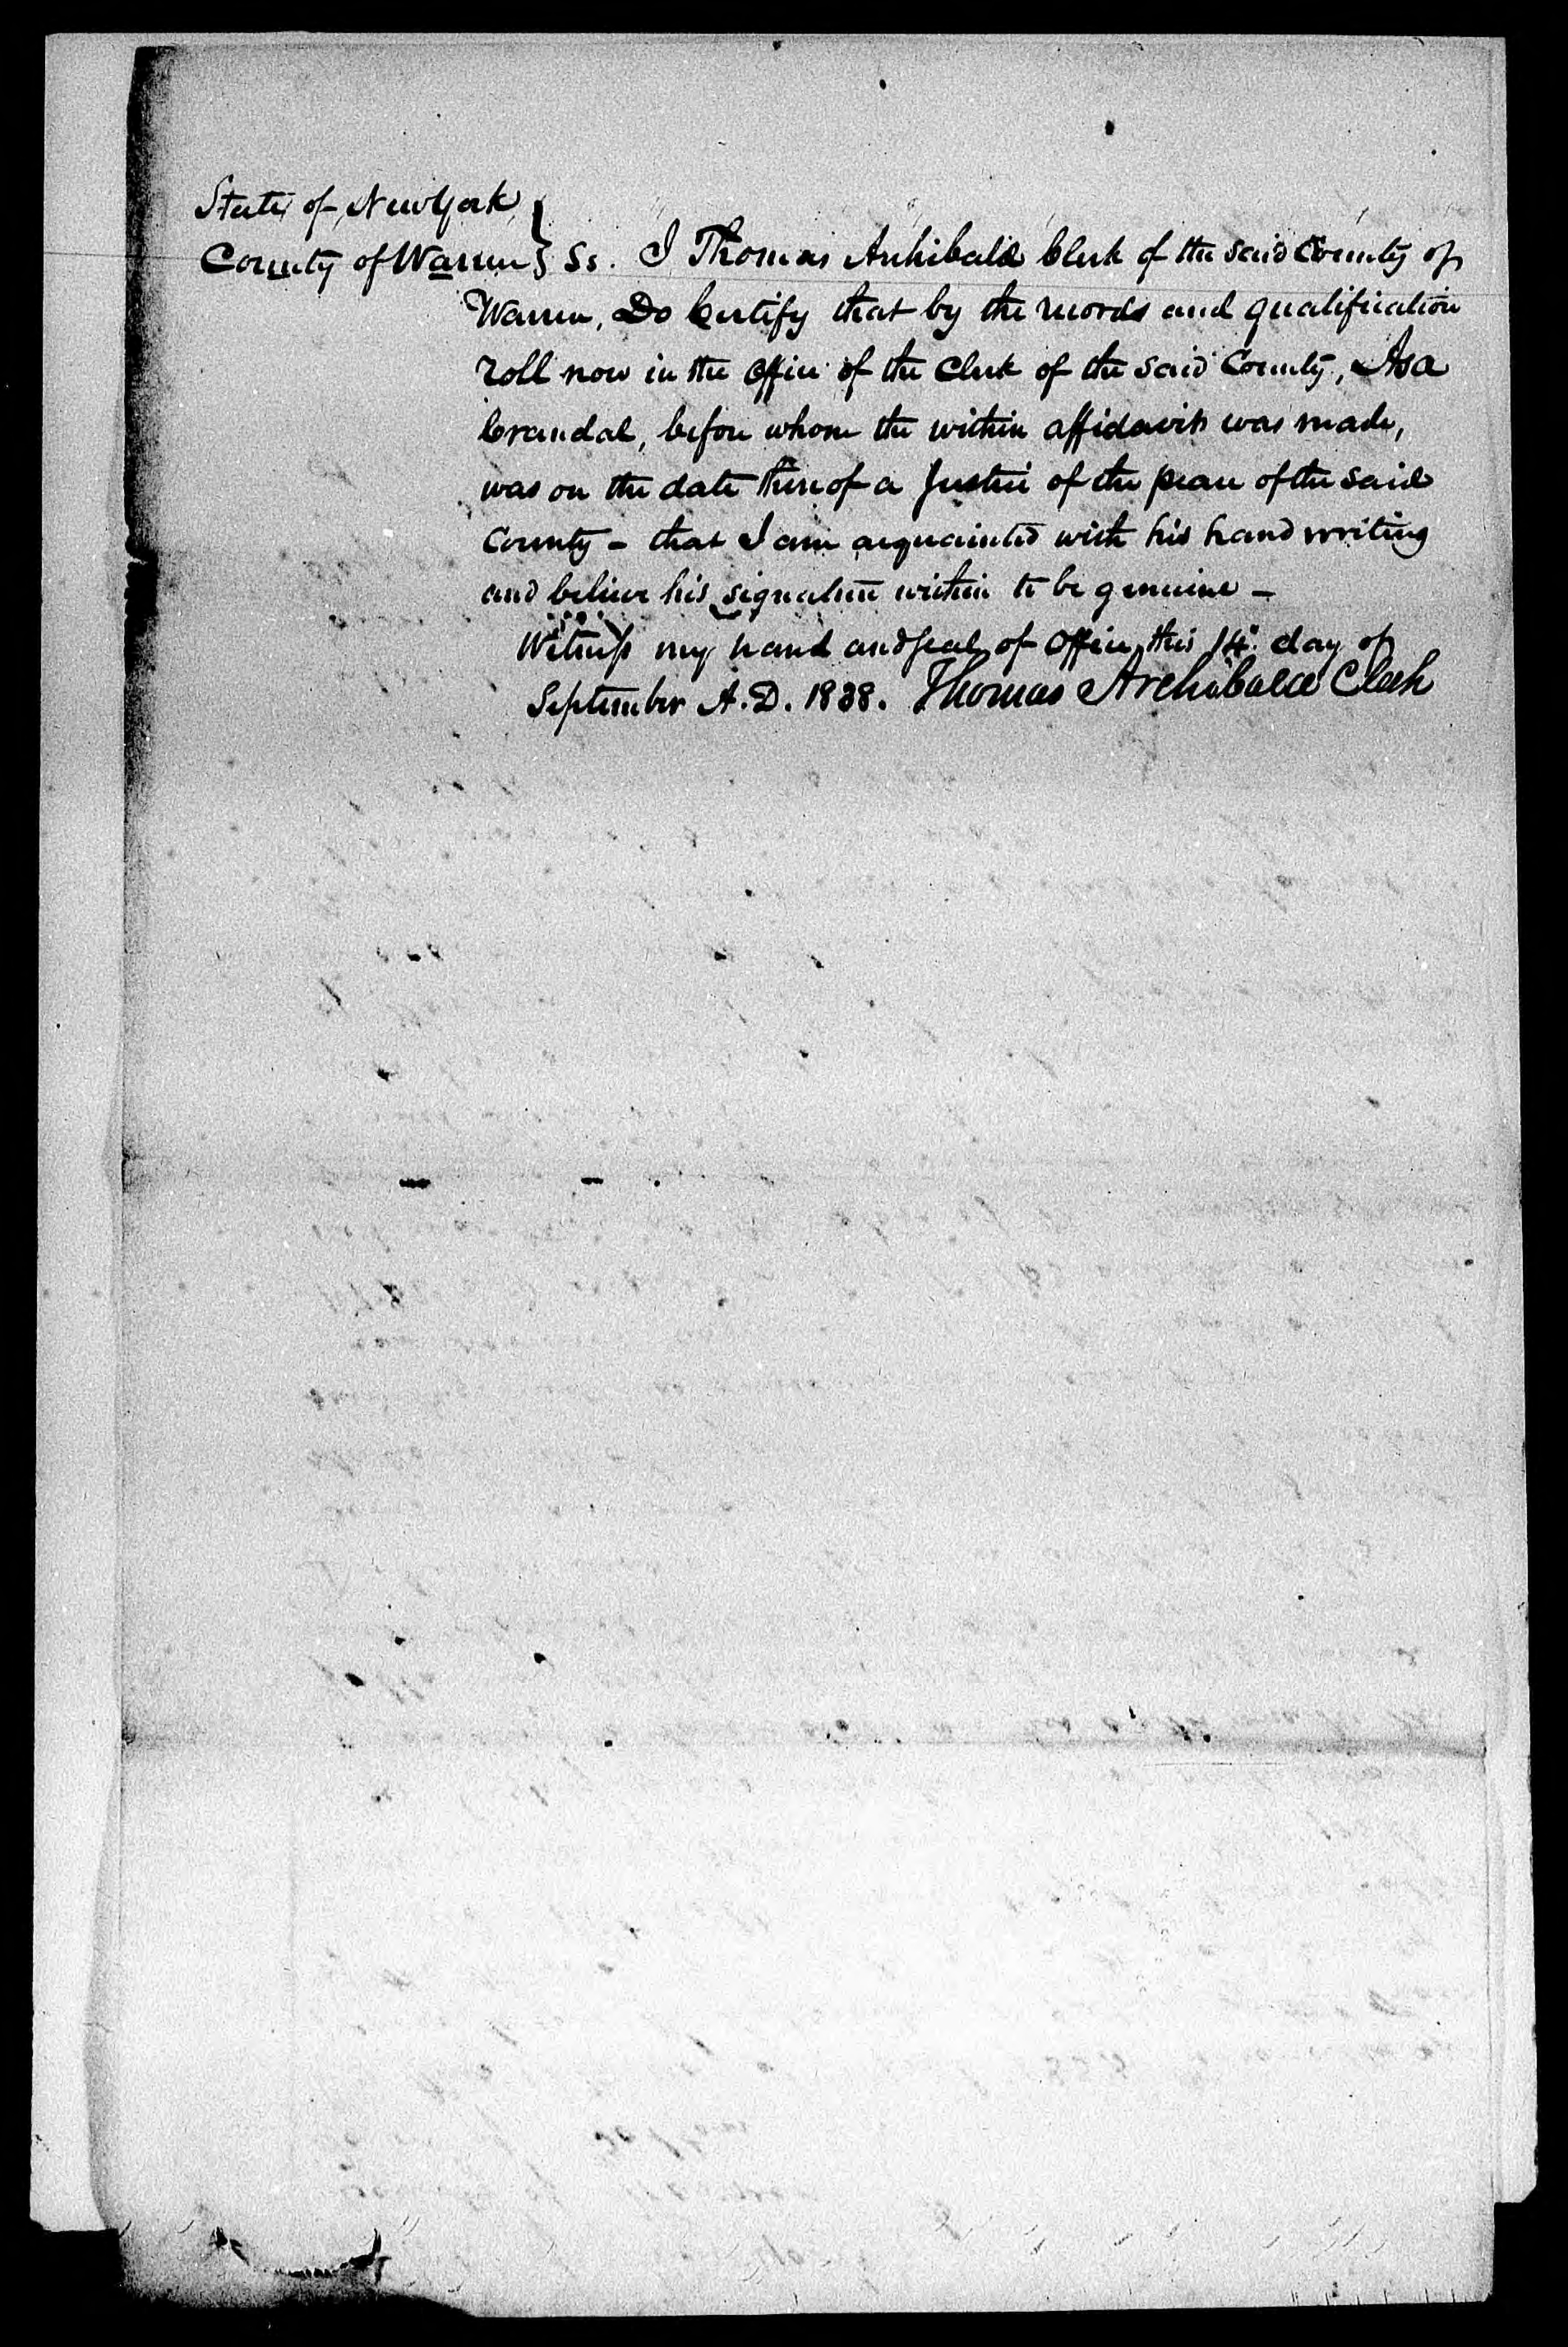State of New York
County of Warren ss.
I Thomas Archibald clerk of the said county of Warren do certify that by the records and qualification roll now in the office of the clerk of the said County, Asa Crandal, before when the within affidavit was made was on the date hereof a Justice of the Peace of the said County that I am acquainted with his hand writing and believe his signature within to be genuine
Witness my hand and seal of office this 14th day of September AD 1838.
Thomas Archibald Clerk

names: Thomas Archibald, Asa Crandal, Thomas Archibald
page: 50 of 60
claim: widow's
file: W 16,955, Samuel Dickinson, Conn.